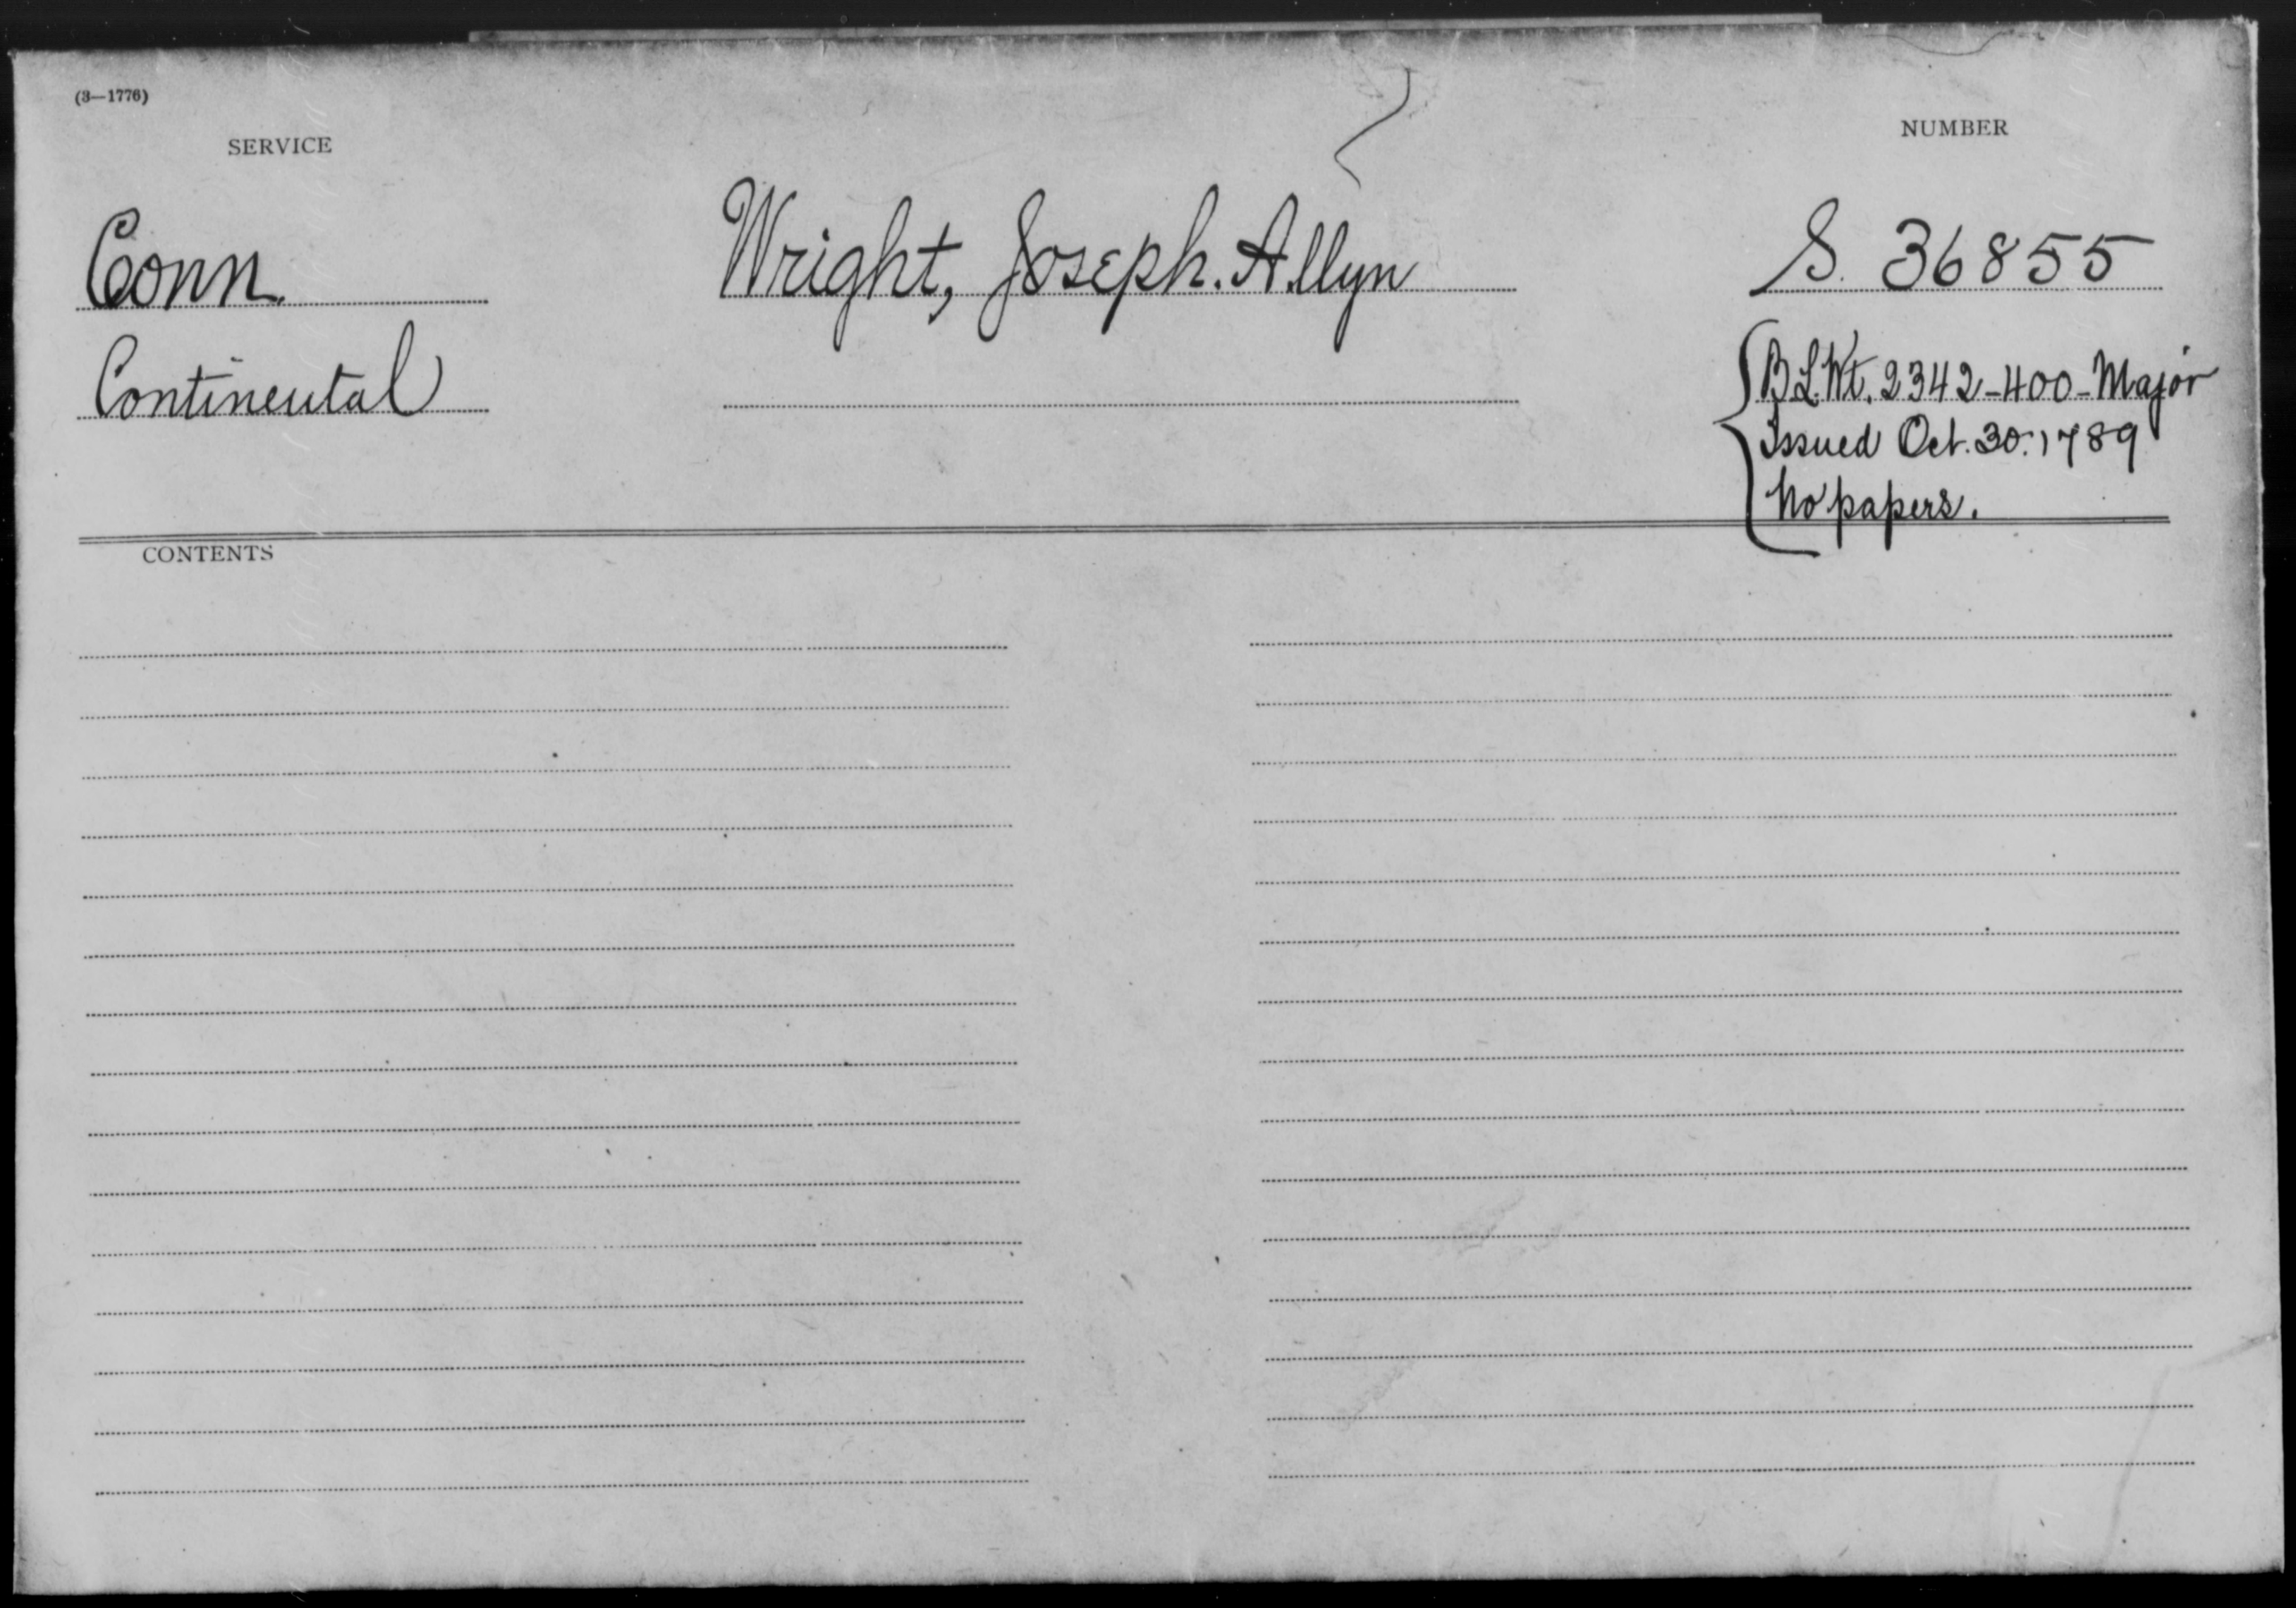(3--1776)

SERVICE
Conn.
Continental

Wright, Joseph, Allyn

NUMBER
S. 36855
{B. L. Wt.  2342-400-Major
{Issued Oct. 30, 1789
{No papers
---------------------------------------------------
CONTENTS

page: 1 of 13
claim: survivor's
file: S. 36855, Joseph Allyn Wright, Conn. Continental